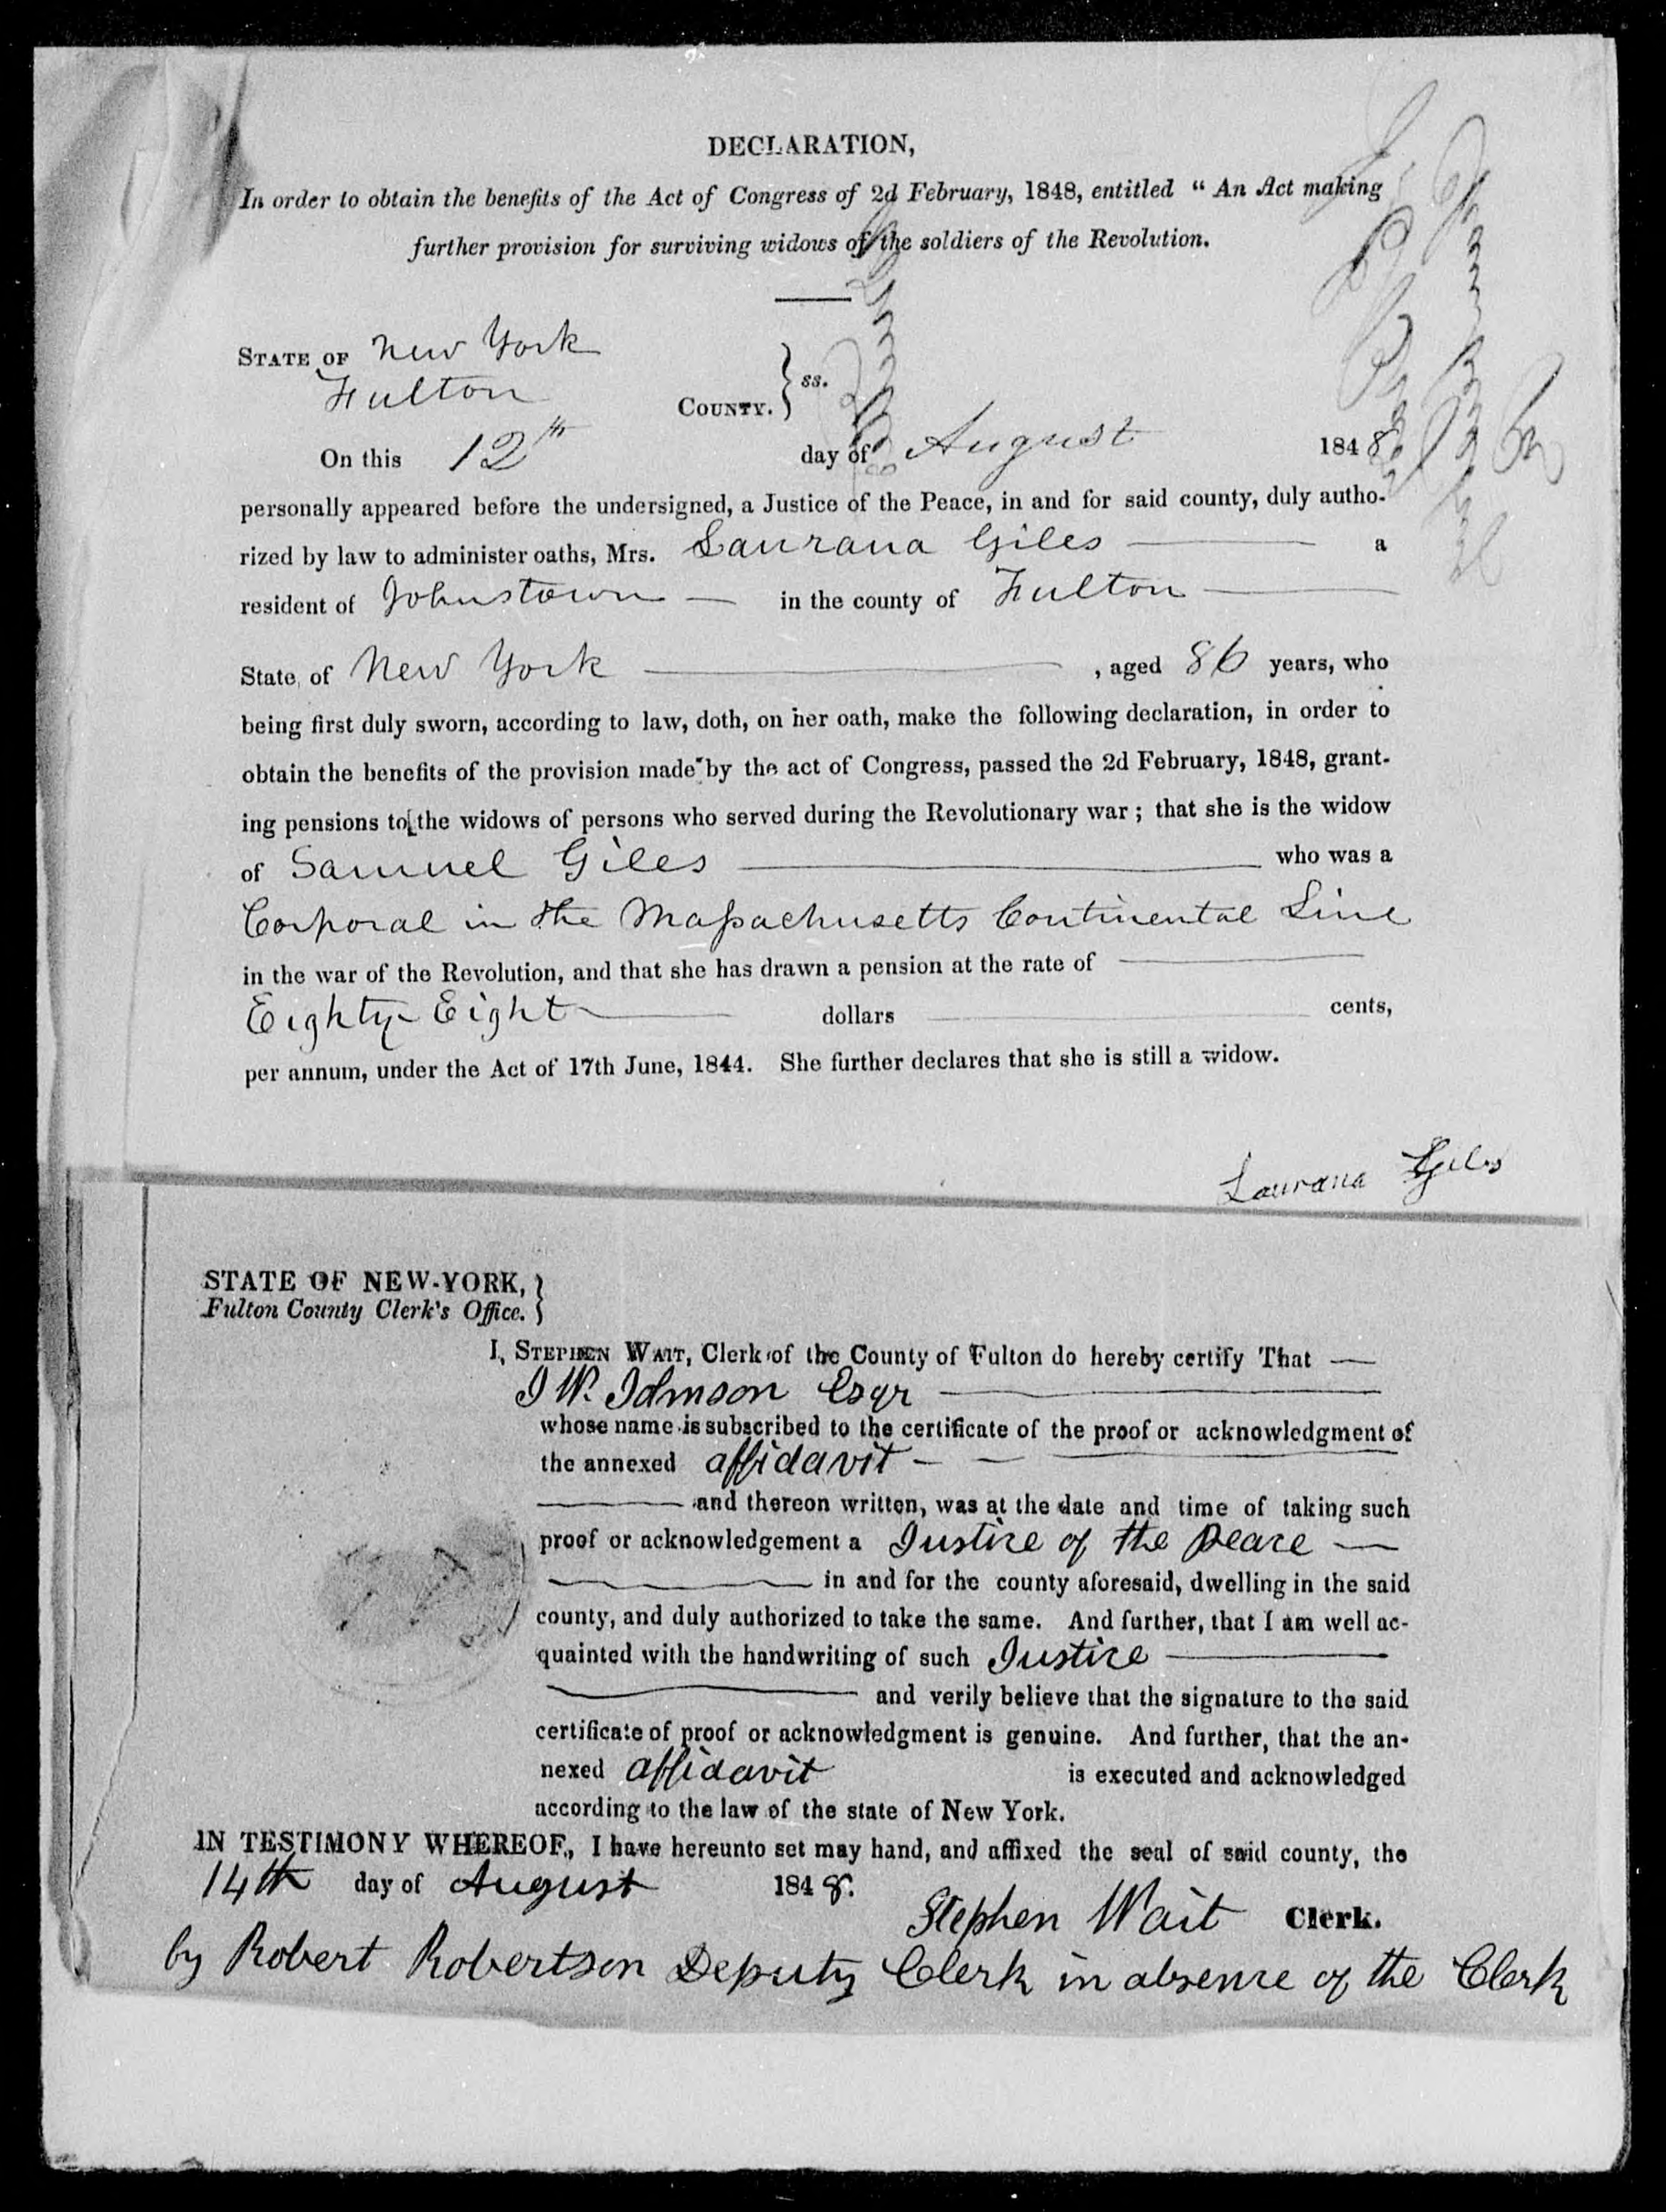DECLARATION,
In order to obtain the benefits of the Act of Congress of 2d February, 1848, entitled "An Act making further provision for surviving widows of the soldiers of the Revolution.
-
State of New York
Fulton County
On this 12th day of August 1848
personally appeared before the undersigned, a Justice of the Peace, in and for said county, duly authorized by law to administer oaths, Mrs. Laurana Giles - a resident of Johnstown - in the county of Fulton - State of new York - , aged 86 years, who being first duly sworn, according to law, doth, on her oath, make the following declaration, in order to obtain the benefits of the provision made by the act of Congress, passed the 2d February, 1848, granting pensions to the widows of persons who served during the Revolutionary war; that she is the widow of Samuel Giles - who was a Corporal in the Massachusetts Continental Line in the war of the 
Revolution, and that she has drawn a pension at the rate of Eighty-Eight dollars and - cents, per annum, under the Act of 17th June, 1844.  She further declares that she is still a widow.
Laurana Giles
STATE OF NEW YORK
Fulton County Clerk's Office.
I, Stephen Wait, Clerk of the County of Fulton do hereby certify That - J. W. Johnson Esqr - whose name is subscribed to the certificate of the proof or acknowledgment of the annexed affidavit - and thereon written, was at the date and time of taking such proof or acknowledgement a Justice of the peace - in and for the county aforesaid, dwelling in the said county, and duly authorized to take the same.  And further, that I am well acquainted with the handwriting of such Justice - and verily believe that the signature to the said certificate of proof or acknowledgment is genuine.  And further, that the annexed affidavit is executed and acknowledged according to the law of the state of New York.
IN TESTIMONY WHEREOF,  I have hereunto set may hand, and affixed the seal of said county, the 14th day of August 1848.  
Stephen Wait Clerk.
by Robert Robertson Deputy Clerk in absence of the Clerk.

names: Stephen Wait, Laurana Giles, Stephen Wait, Samuel Giles, J W Johnson, Robert Robertson, Laurana Giles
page: 40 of 55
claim: widow's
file: W. 19503, Samuel Giles, Conti. Mass. New York